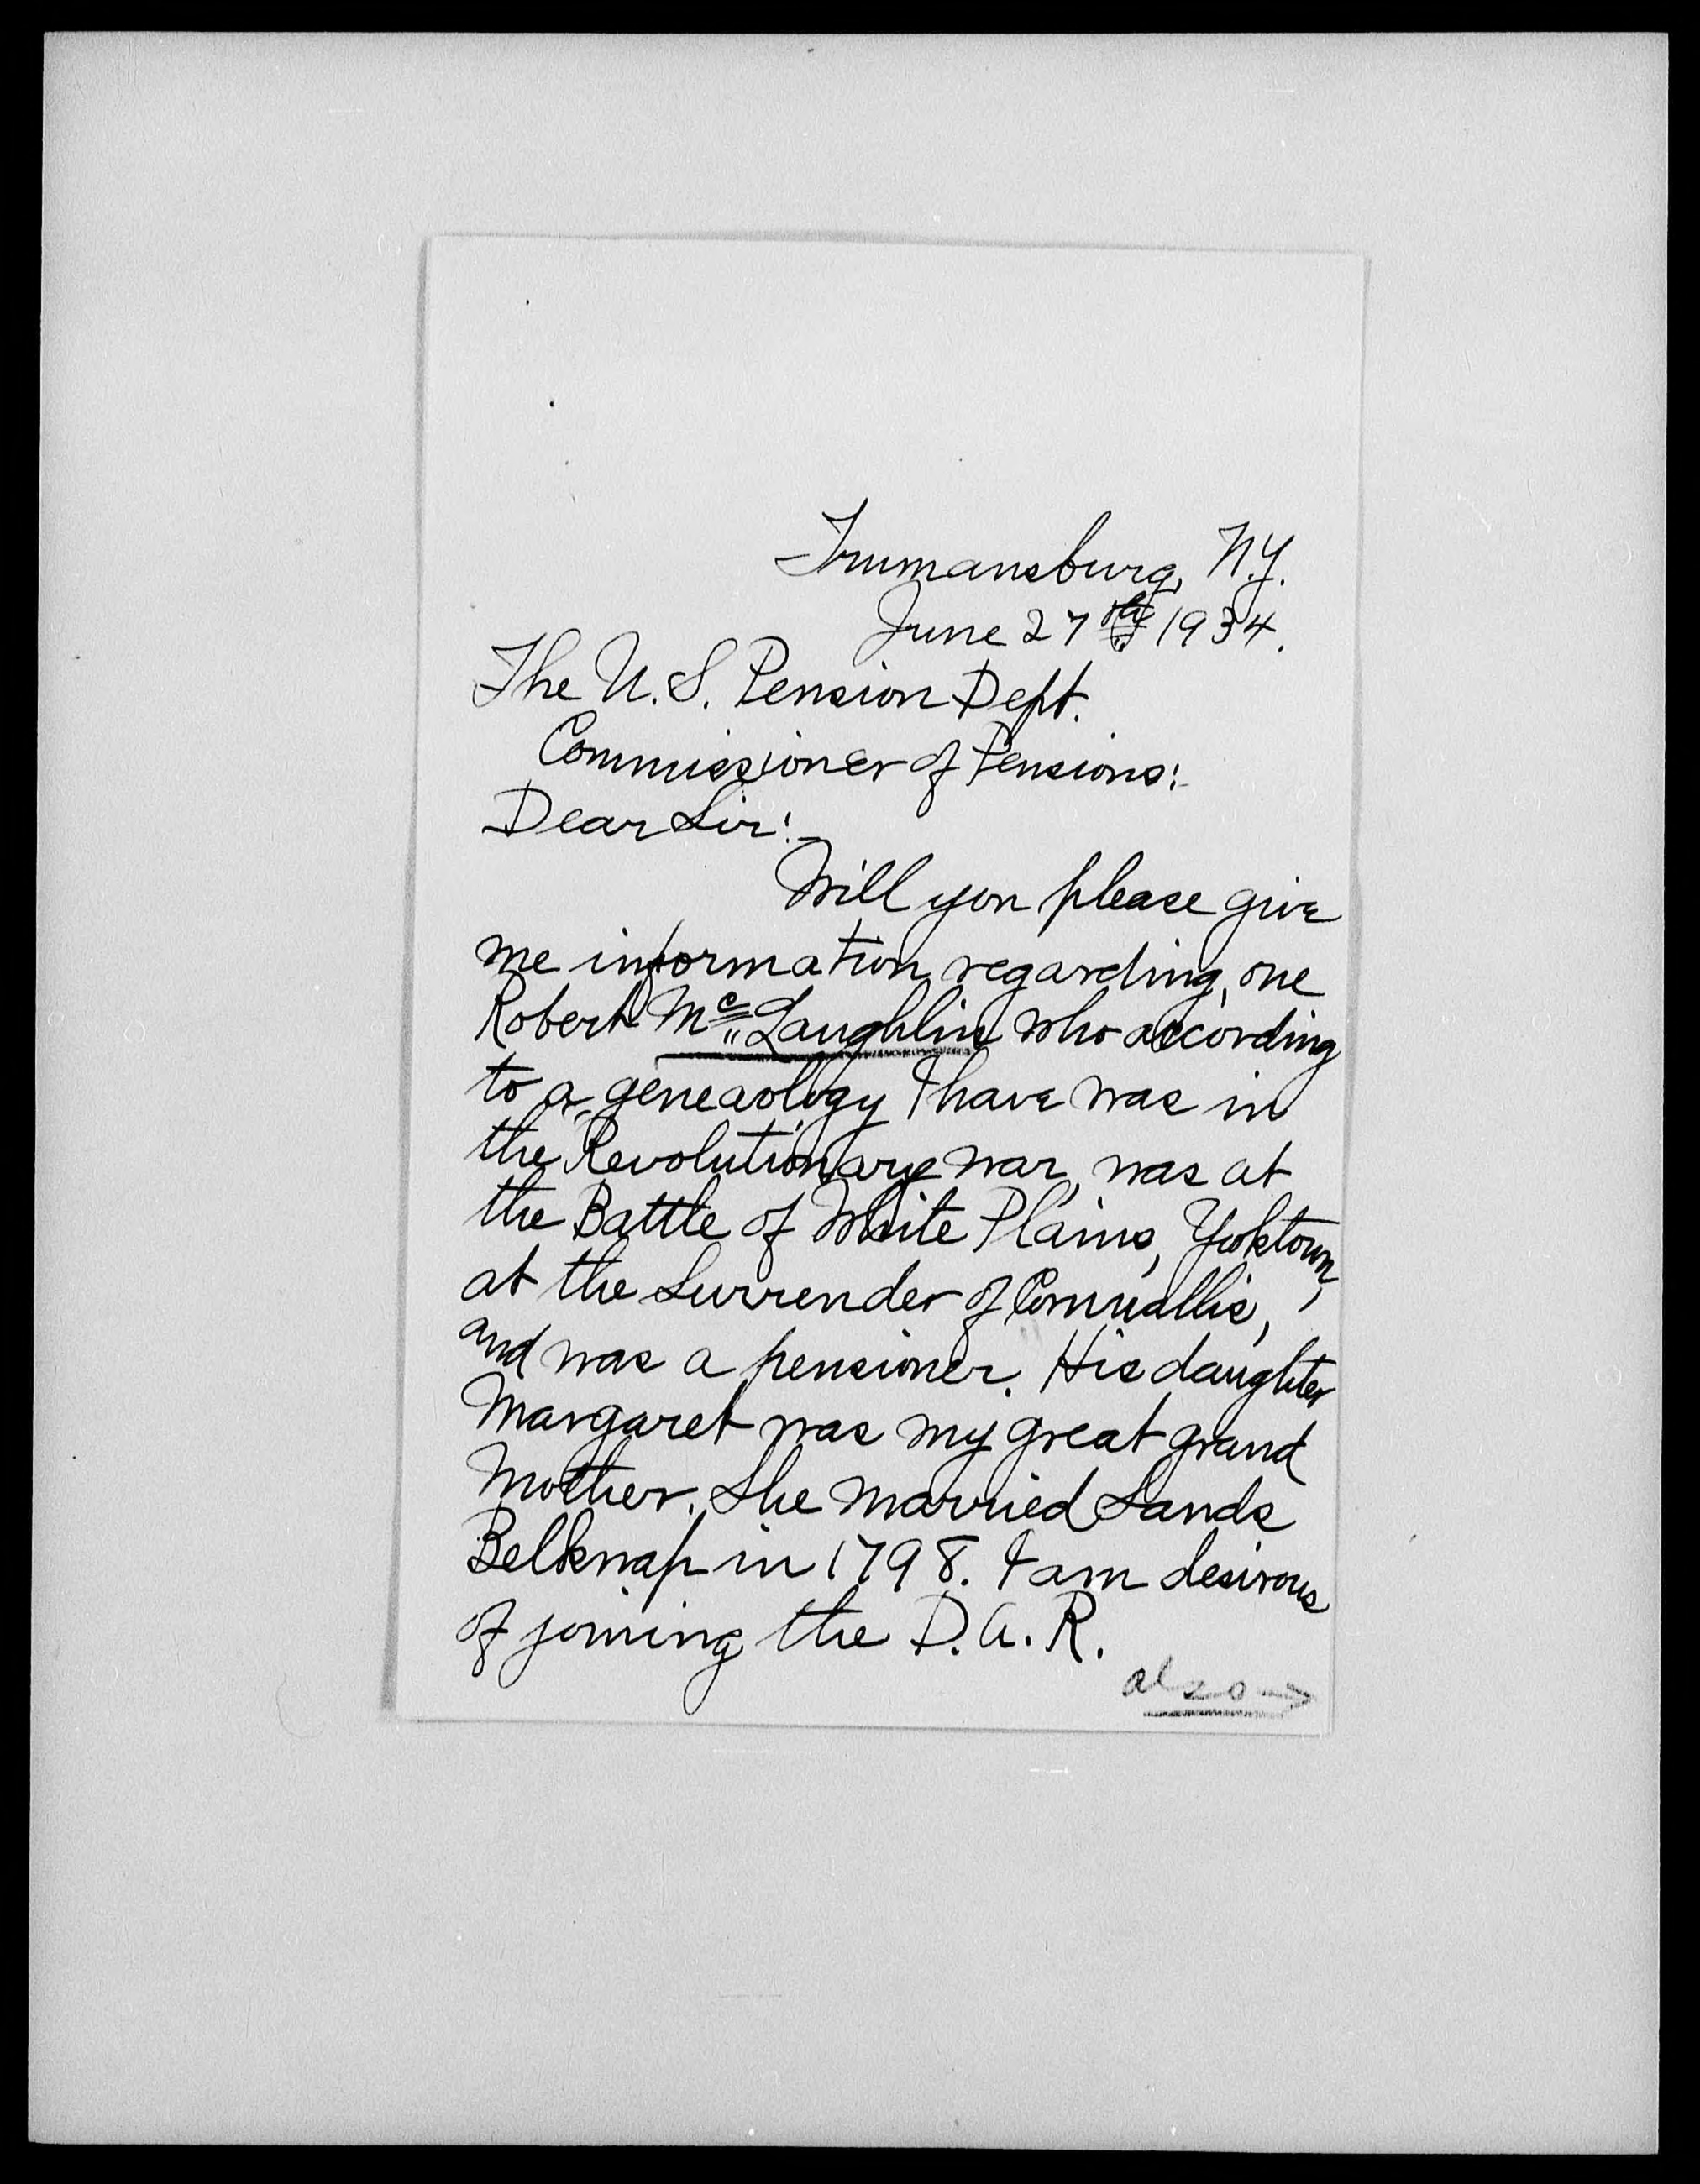Trumansburg NY
June 27, 1934

The US Pension Dept
Commissioner of Pensions:

Dear Sir:

Will you please give me information regarding one Robert McLaughlin, who according to a genealogy I have was in the Revolutionary War, was at the Battle of White Plains, Yorktown at the surrender of Cornwallis, and was a pensioner.  His daughter Margaret was my great grandmother.  She married Sands Belknap in 1798.  I am desirous of joining the DAR.

also -->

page: 16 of 19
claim: survivor's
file: S. 40,146, for Robert Mc Laughlin, Pennsylvania